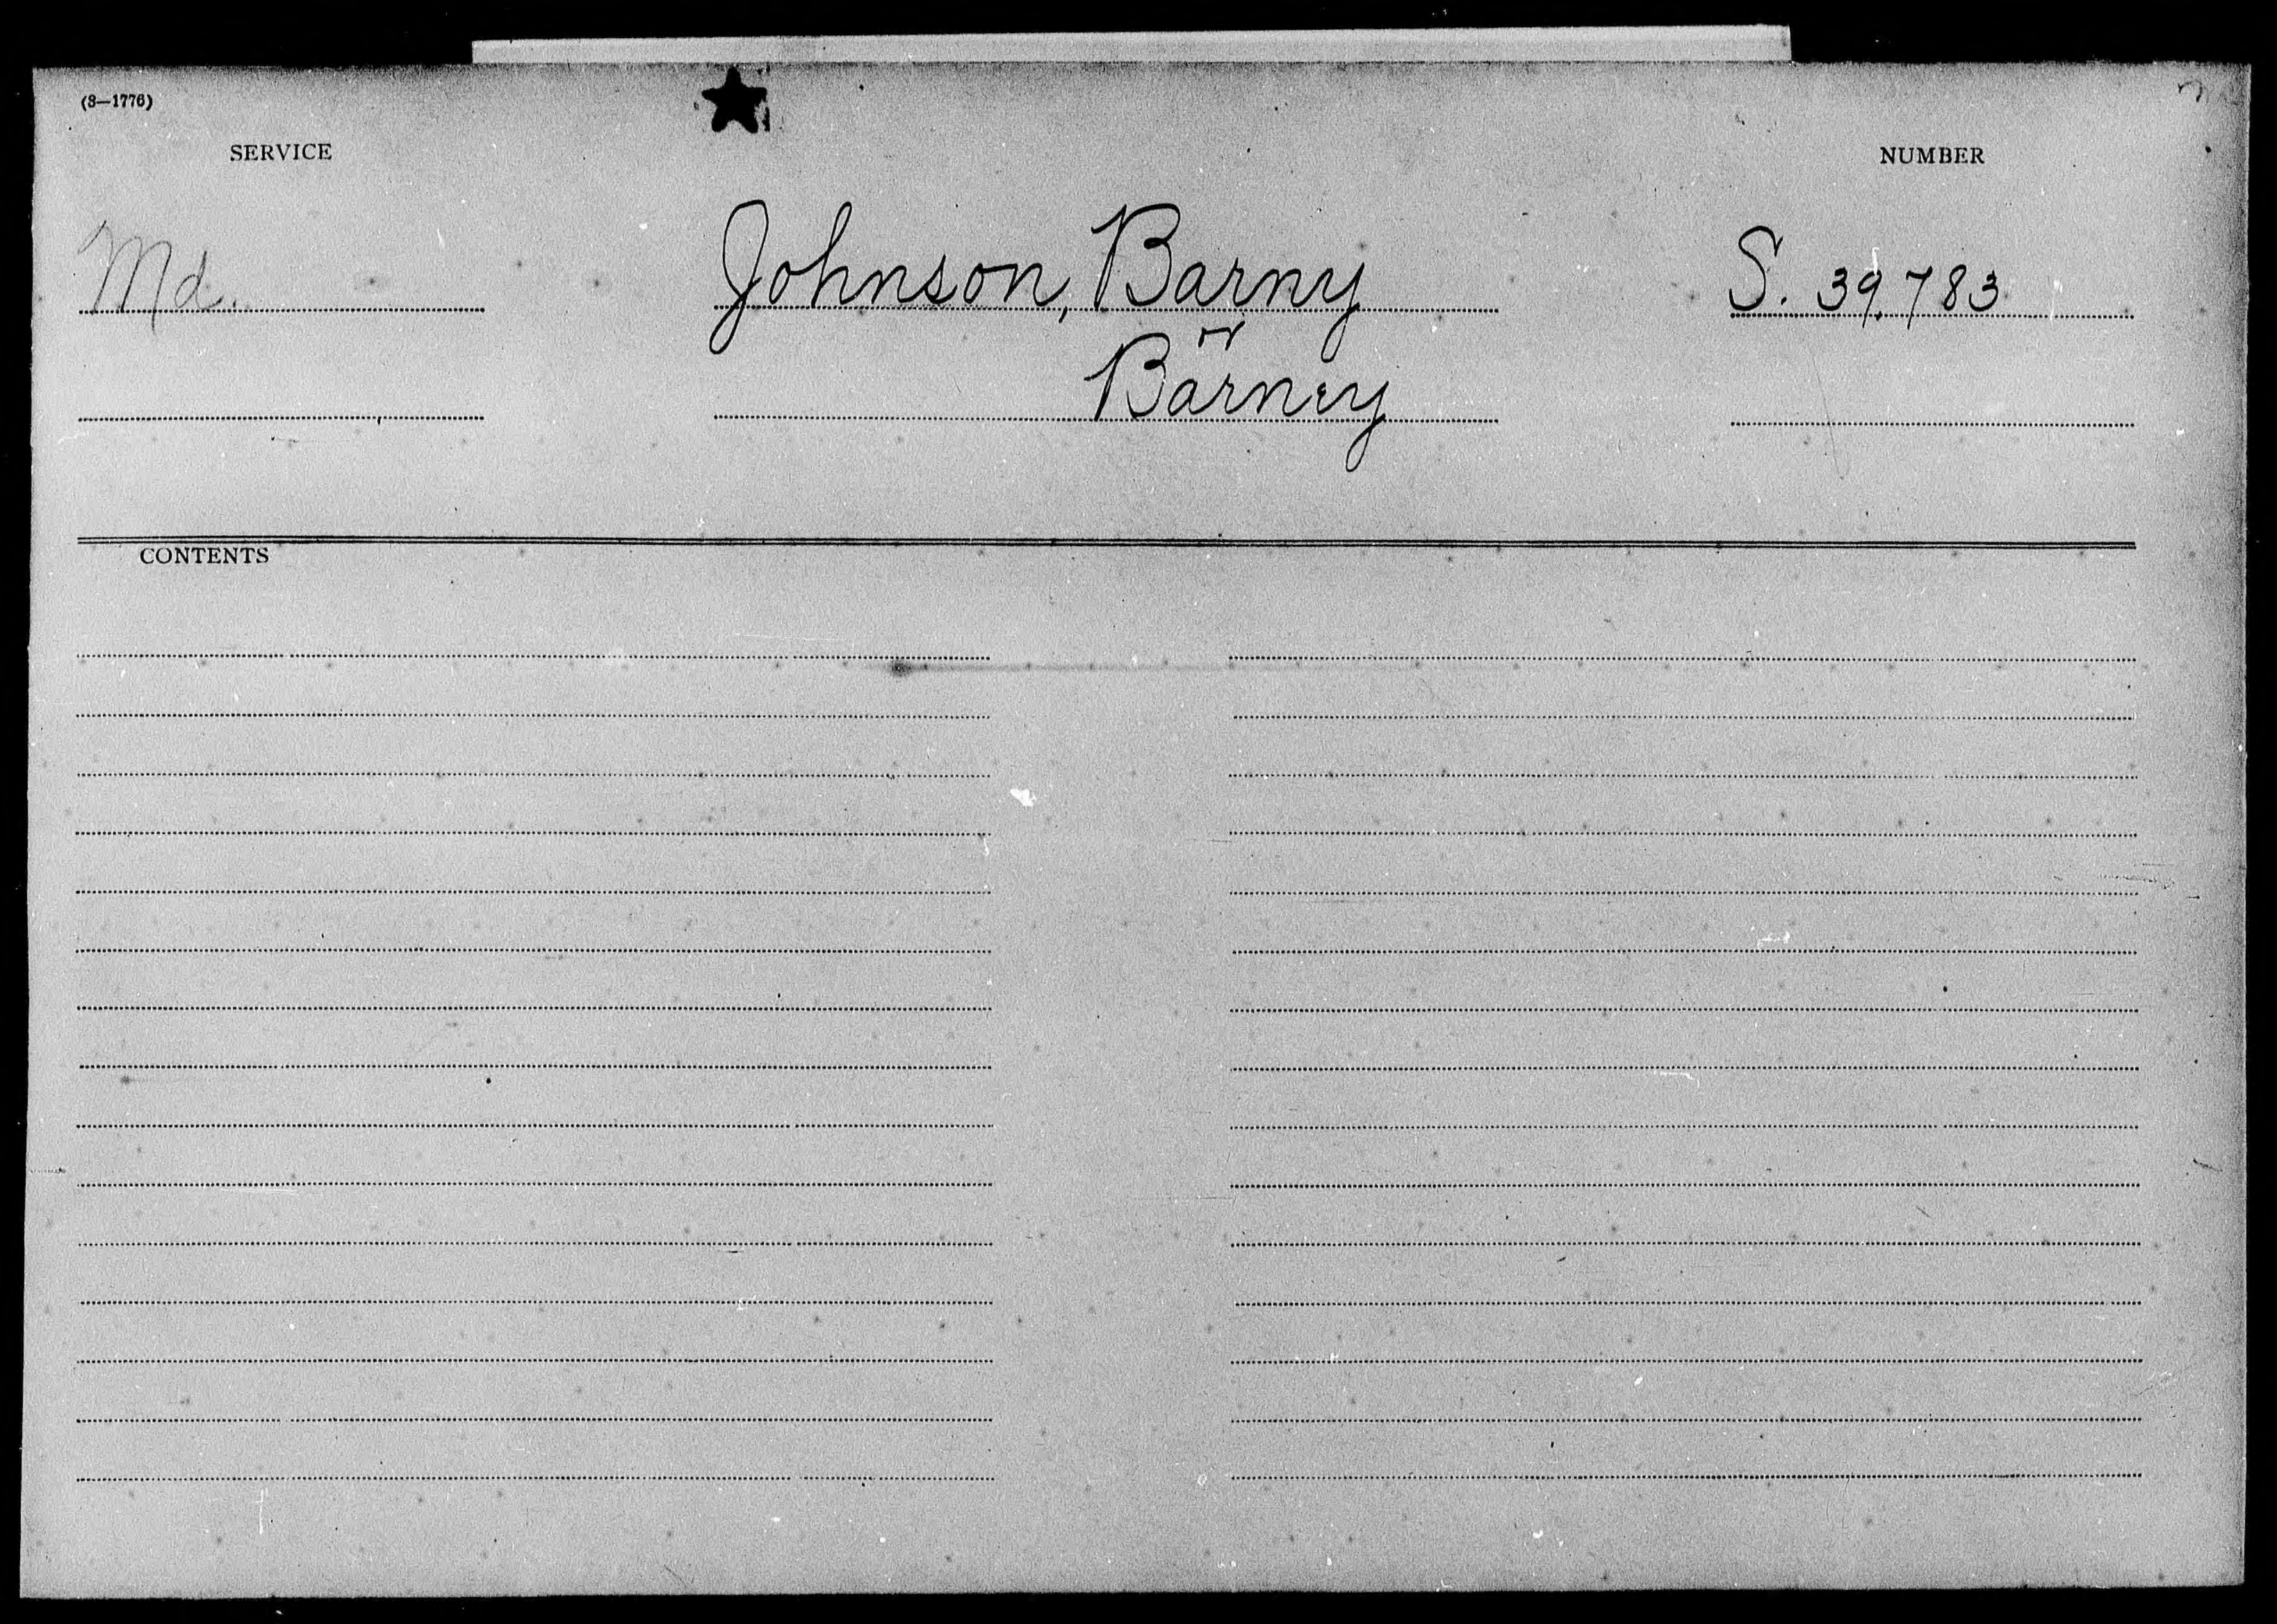(3-1776)

SERVICE     Md.

Johnson, Barny
or
Barney

NUMBER     S. 39,783

CONTENTS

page: 1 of 11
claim: survivor's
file: S. 39,783, for Barny Johnson, Maryland